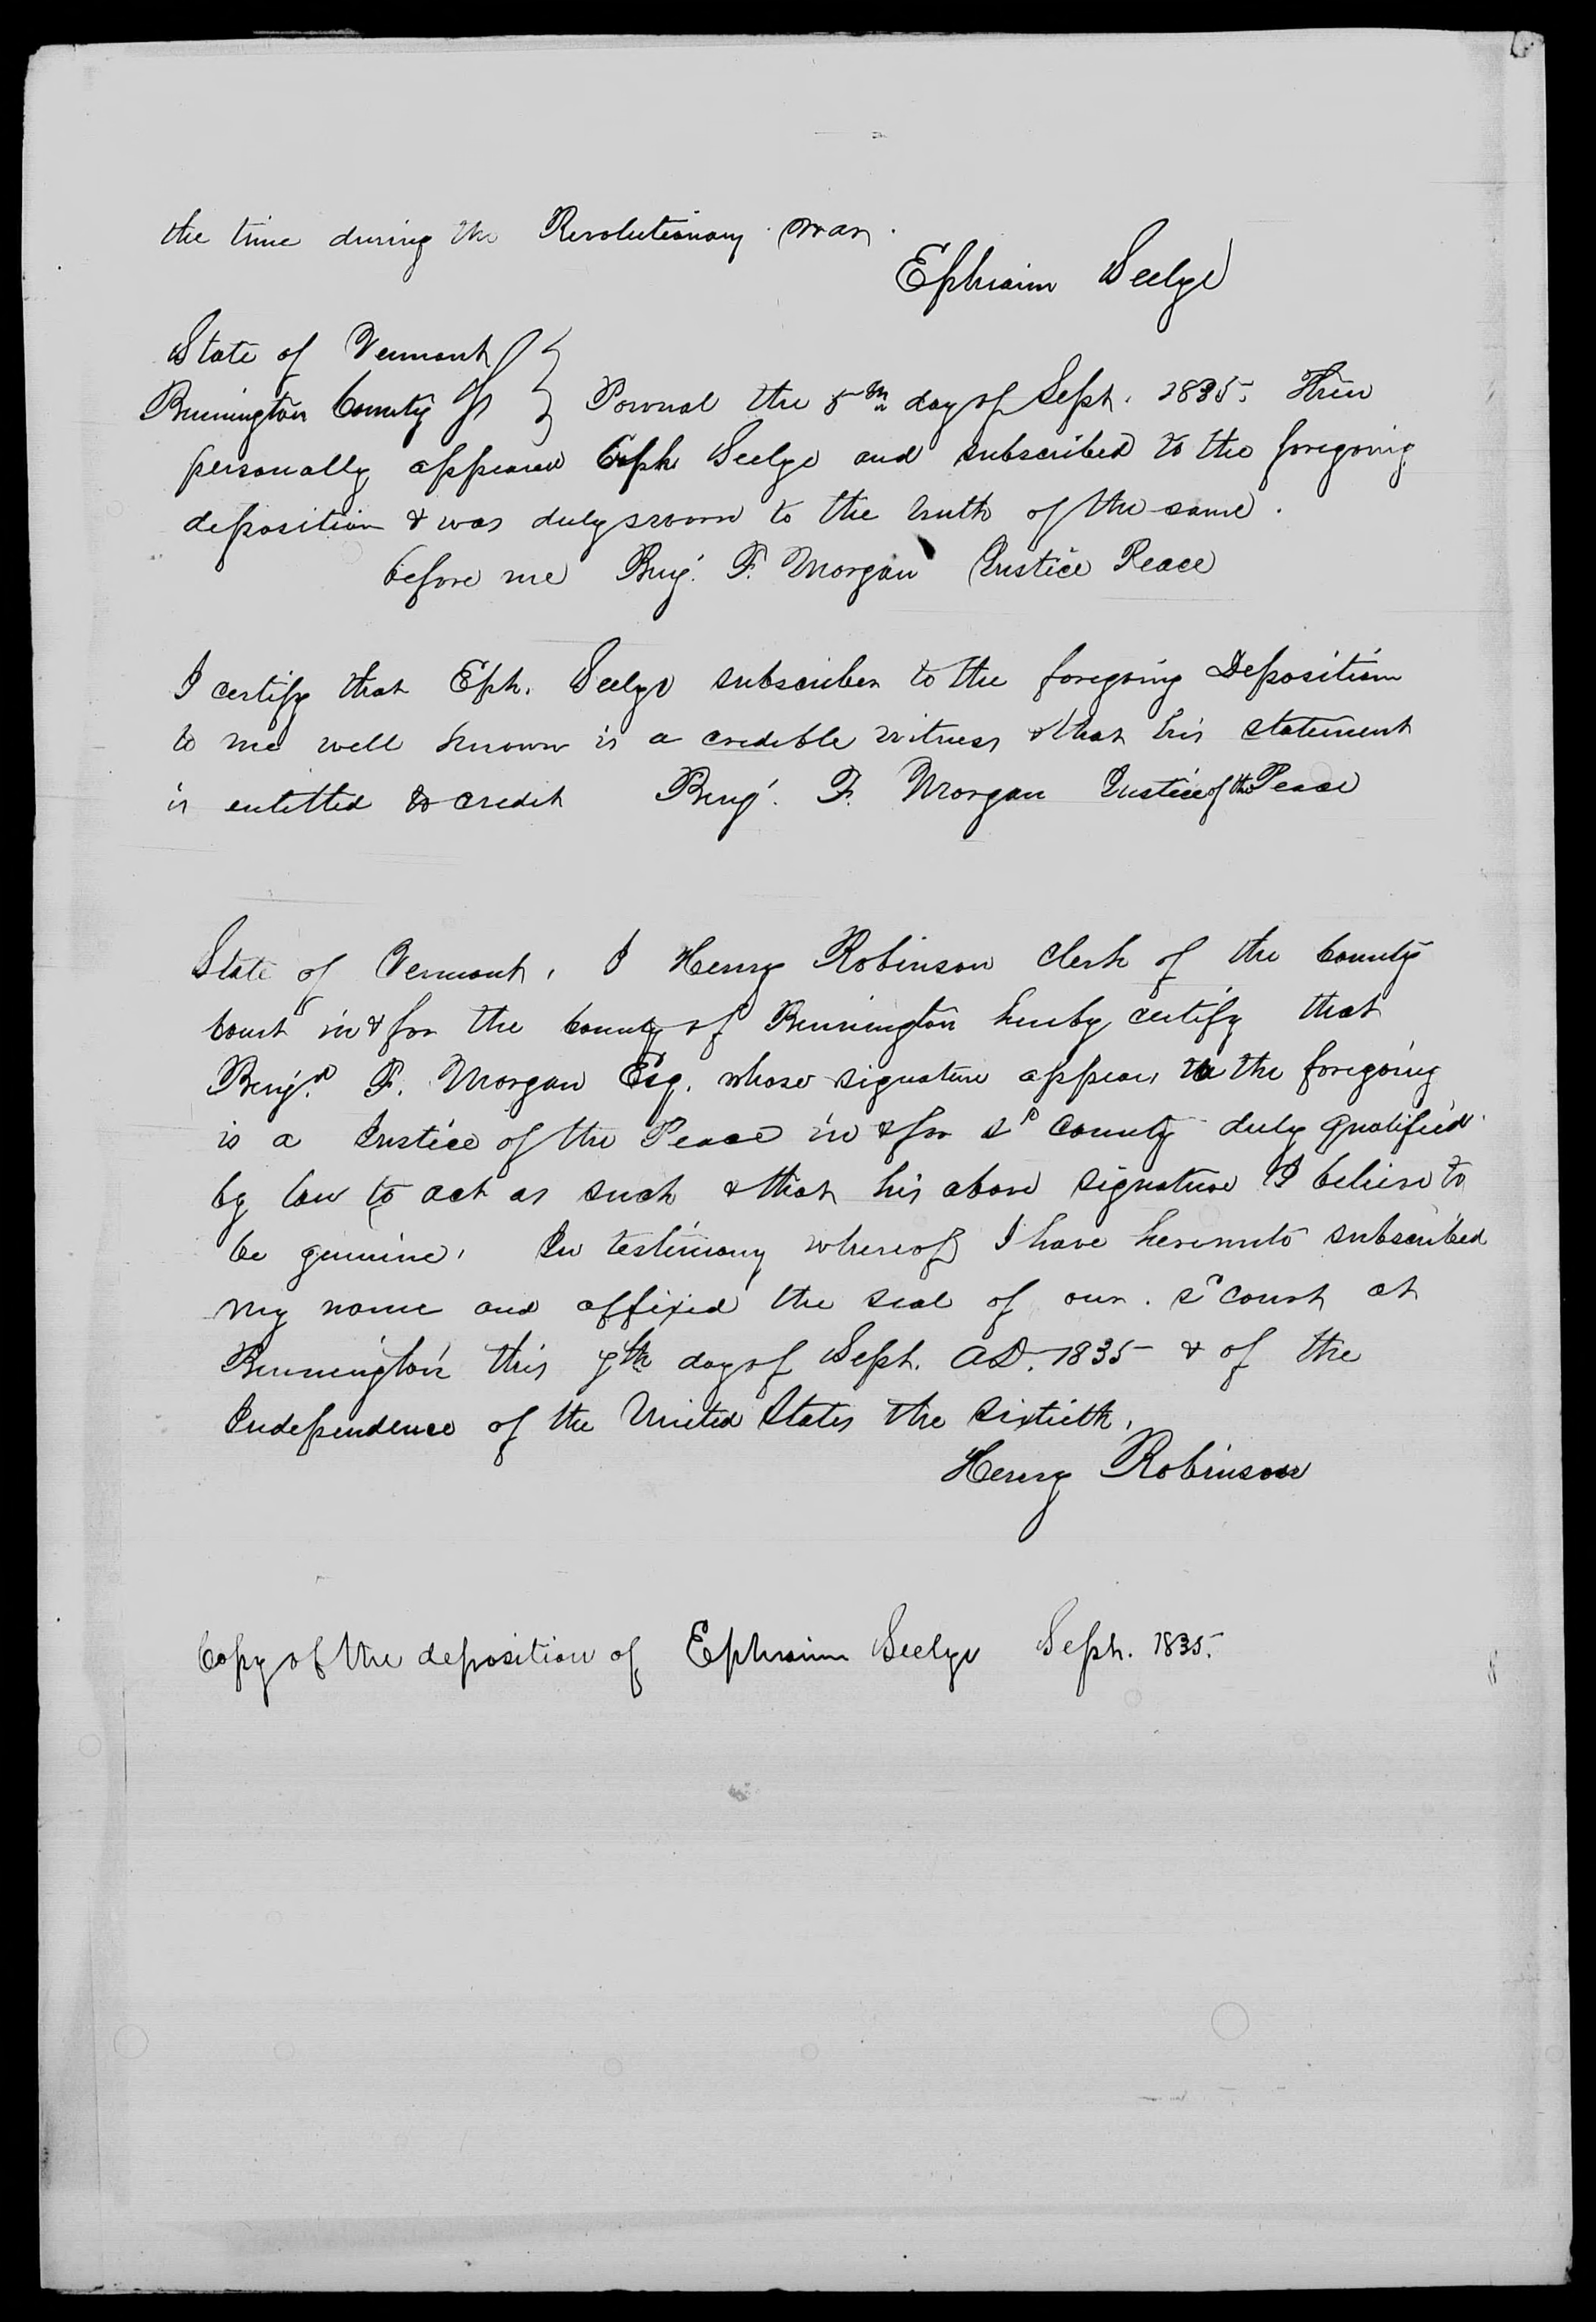the time during the Revolutionary war.
Ephraim Seelye

State of Vermont Bennington County ss
Pownal the 5th day of Sept. 1835. Then
personally appeared Eph. Seelye and subscribed to the foregoing deposition & was duly sworn to the truth of the same. before me Benj. F. Morgan Justice Peace

I certify that Eph. Seelye subscriber to the foregoing Deposition, to me well known is a credible witness & that his statement is entitled to credit
Benj. F. Morgan Justice of the Peace

State of Vermont   I Henry Robinson Clerk of the County
Court in & for the County of Bennington hereby certify
Benjn F. Morgan Esq. whose signature appears in the foregoing is a Justice of the Peace in & for sd County duly qualified by law to act as such & that his above signature I believe to be genuine. In testimony whereof I have hereunto subscribed my name and affixed the seal of our Court at
Bennington this 7th day of Sept. AD. 1835 & of the
Independence of the United States the sixtieth,
Henry Robinson
Copy of the deposition of Ephraim Seelye
Sept. 1835.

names: Ephraim Seelye; Henry Robinson; Benj F Morgan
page: 38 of 99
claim: widow's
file: W. 24,482, for Richard Lattin, Vermont